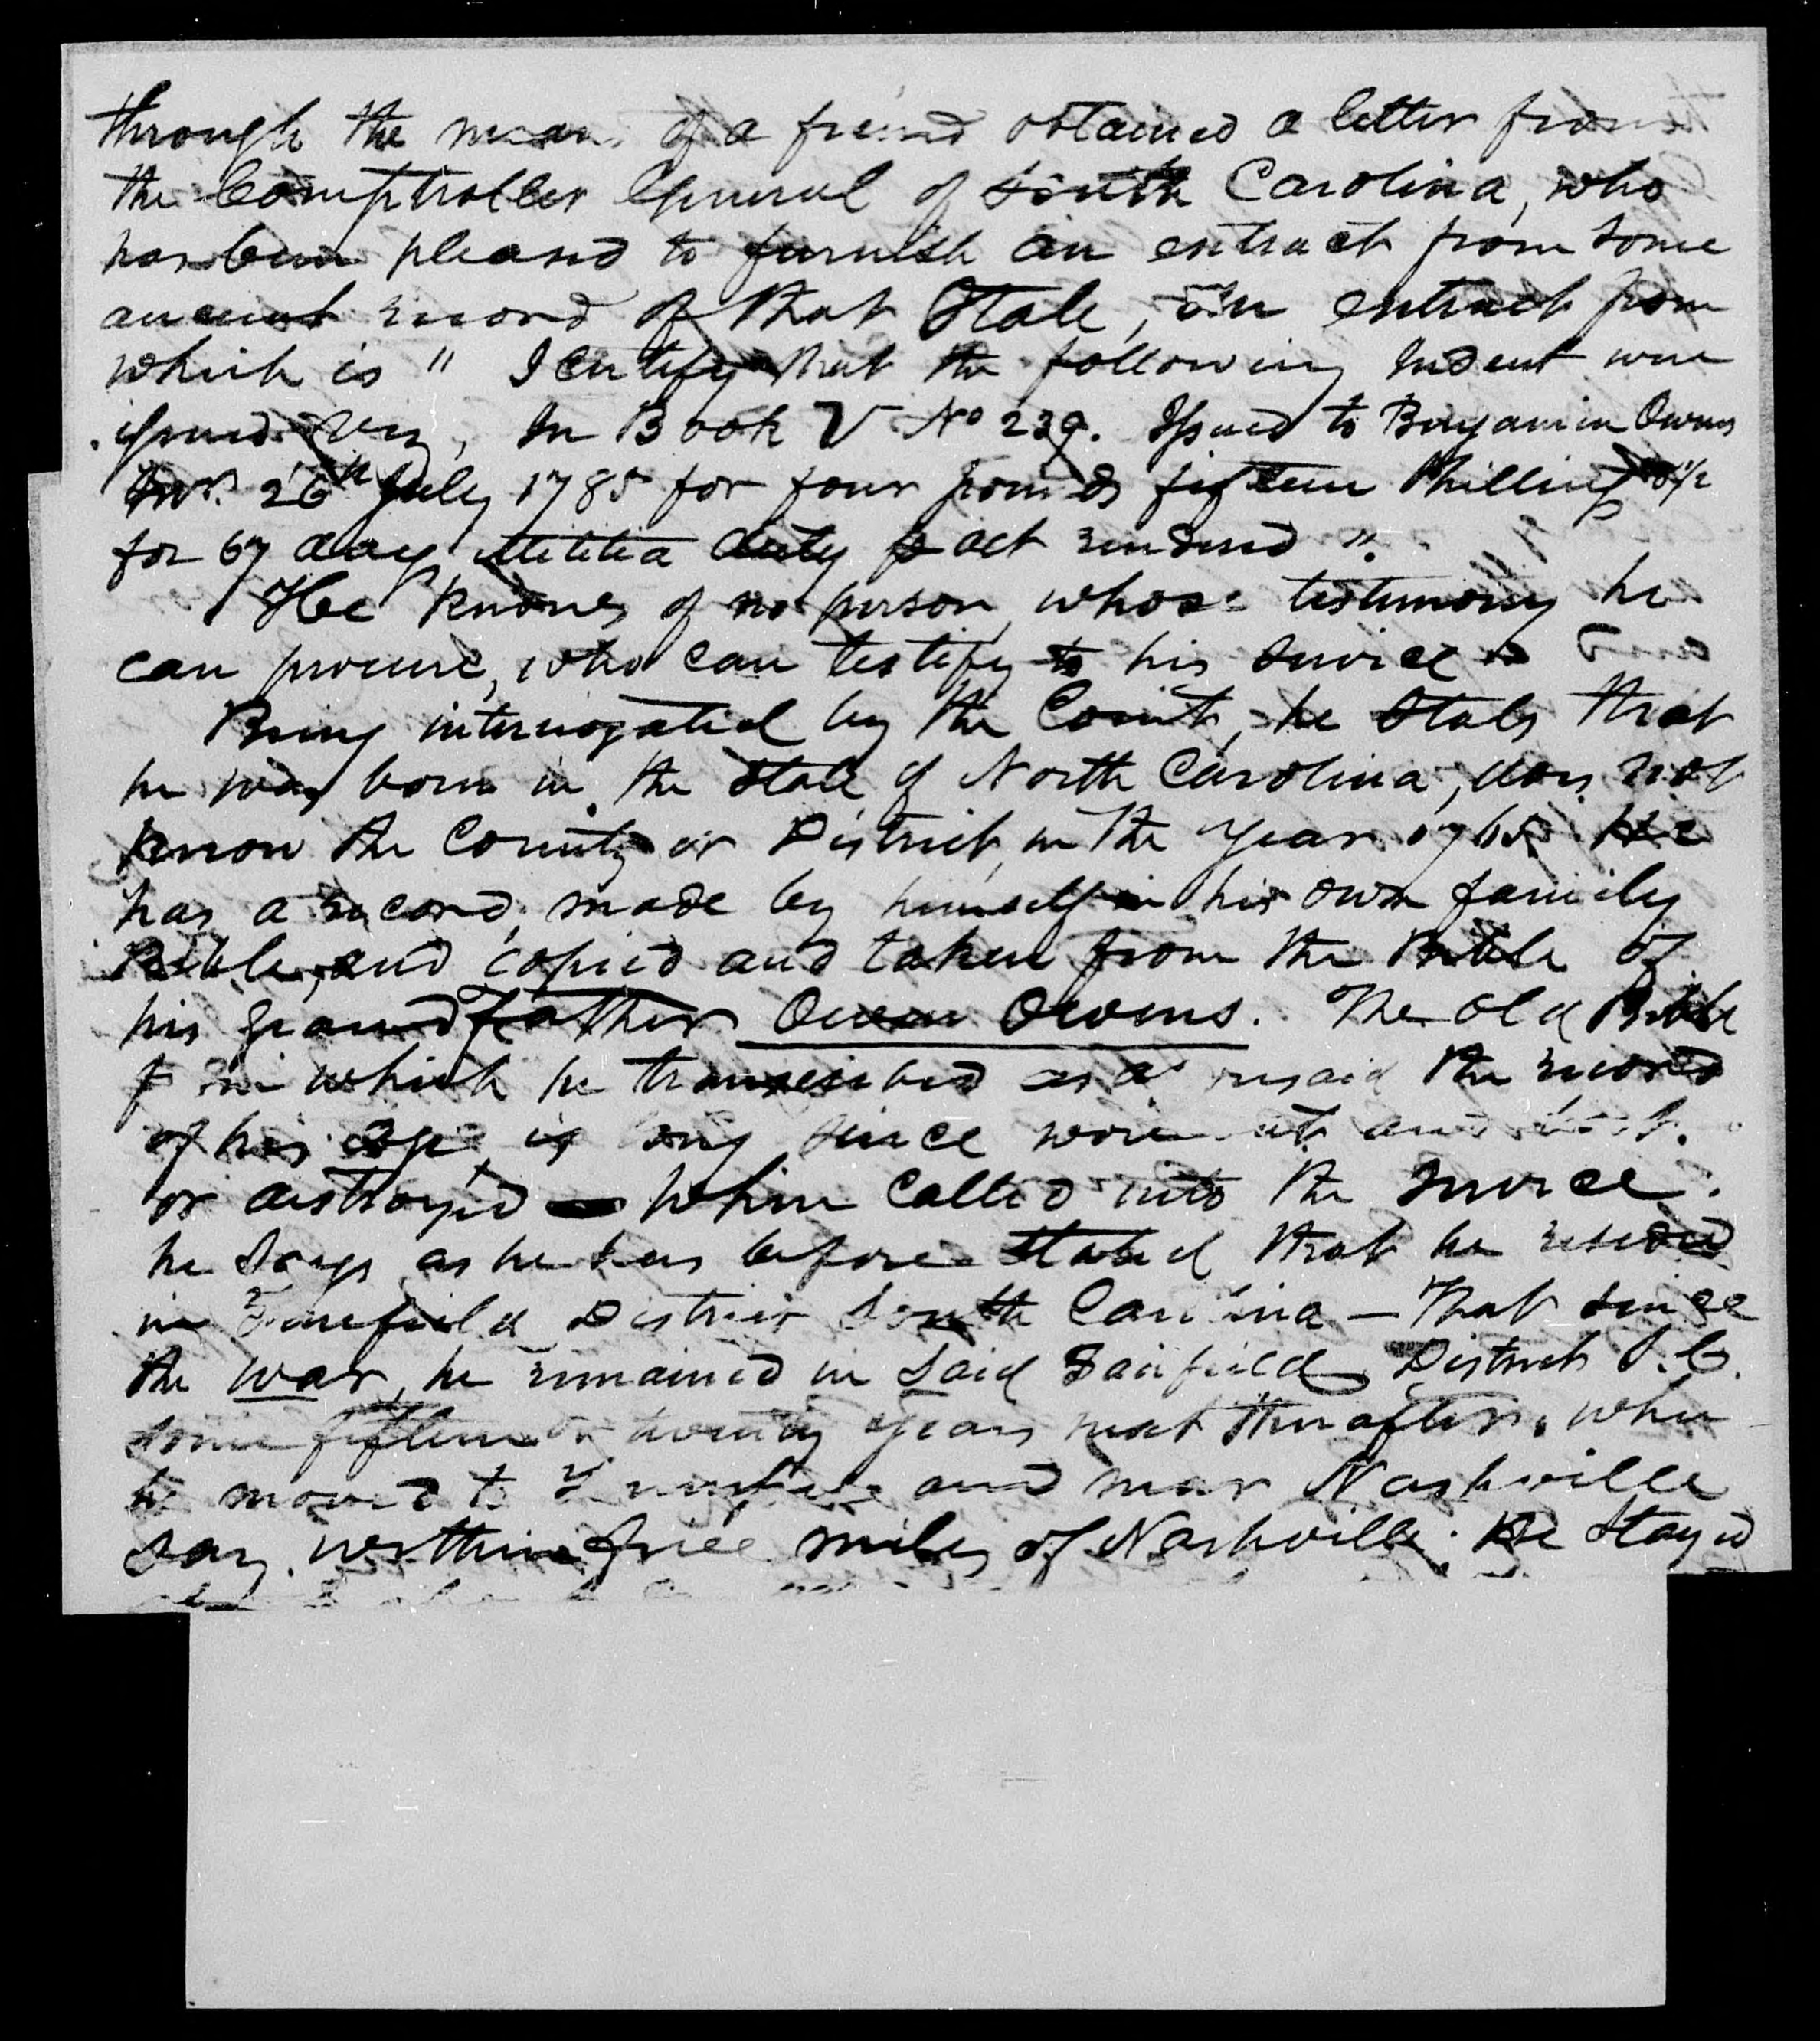through the means of a friend obtained a letter from the Comptroller General of South Carolina, who had been pleased to furnish an extract from some ancient record of that State, an extract from which is " I certify that the following Indent was issued, viz, In Book V No 239. Issued to Benjamin Owens Jnr 26th July 1785 for four pounds fifteen Shilling  & 6 1/2 
for 67 days Militia duty act rendered ".
He knows of no person whose testimony he
can procure, who can testify to his service
Being interrogated by the Court he states that
he was born in the State of North Carolina, does not know the county or District in the year 1765. He has a record made by himself in his own family Bible, and copied and taken from the Bible of his grand father Owens Owens. The old Bible in which he transcribed as aforesaid the record of his age is any since worn out and lost or destroyed -- When called into the service he says as he has before stated that he resided in Fairfield District South Carlina -- that since the war, he remained in said Fairfield District S.C. some fifteen or twenty years most thereafter, when he moved to Tennessee and near Nashville say within five miles of Nashville.  He stayed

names: Benjamin Owens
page: 7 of 28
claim: rejected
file: R. 7846, for Benjamin Owens, South Carolina